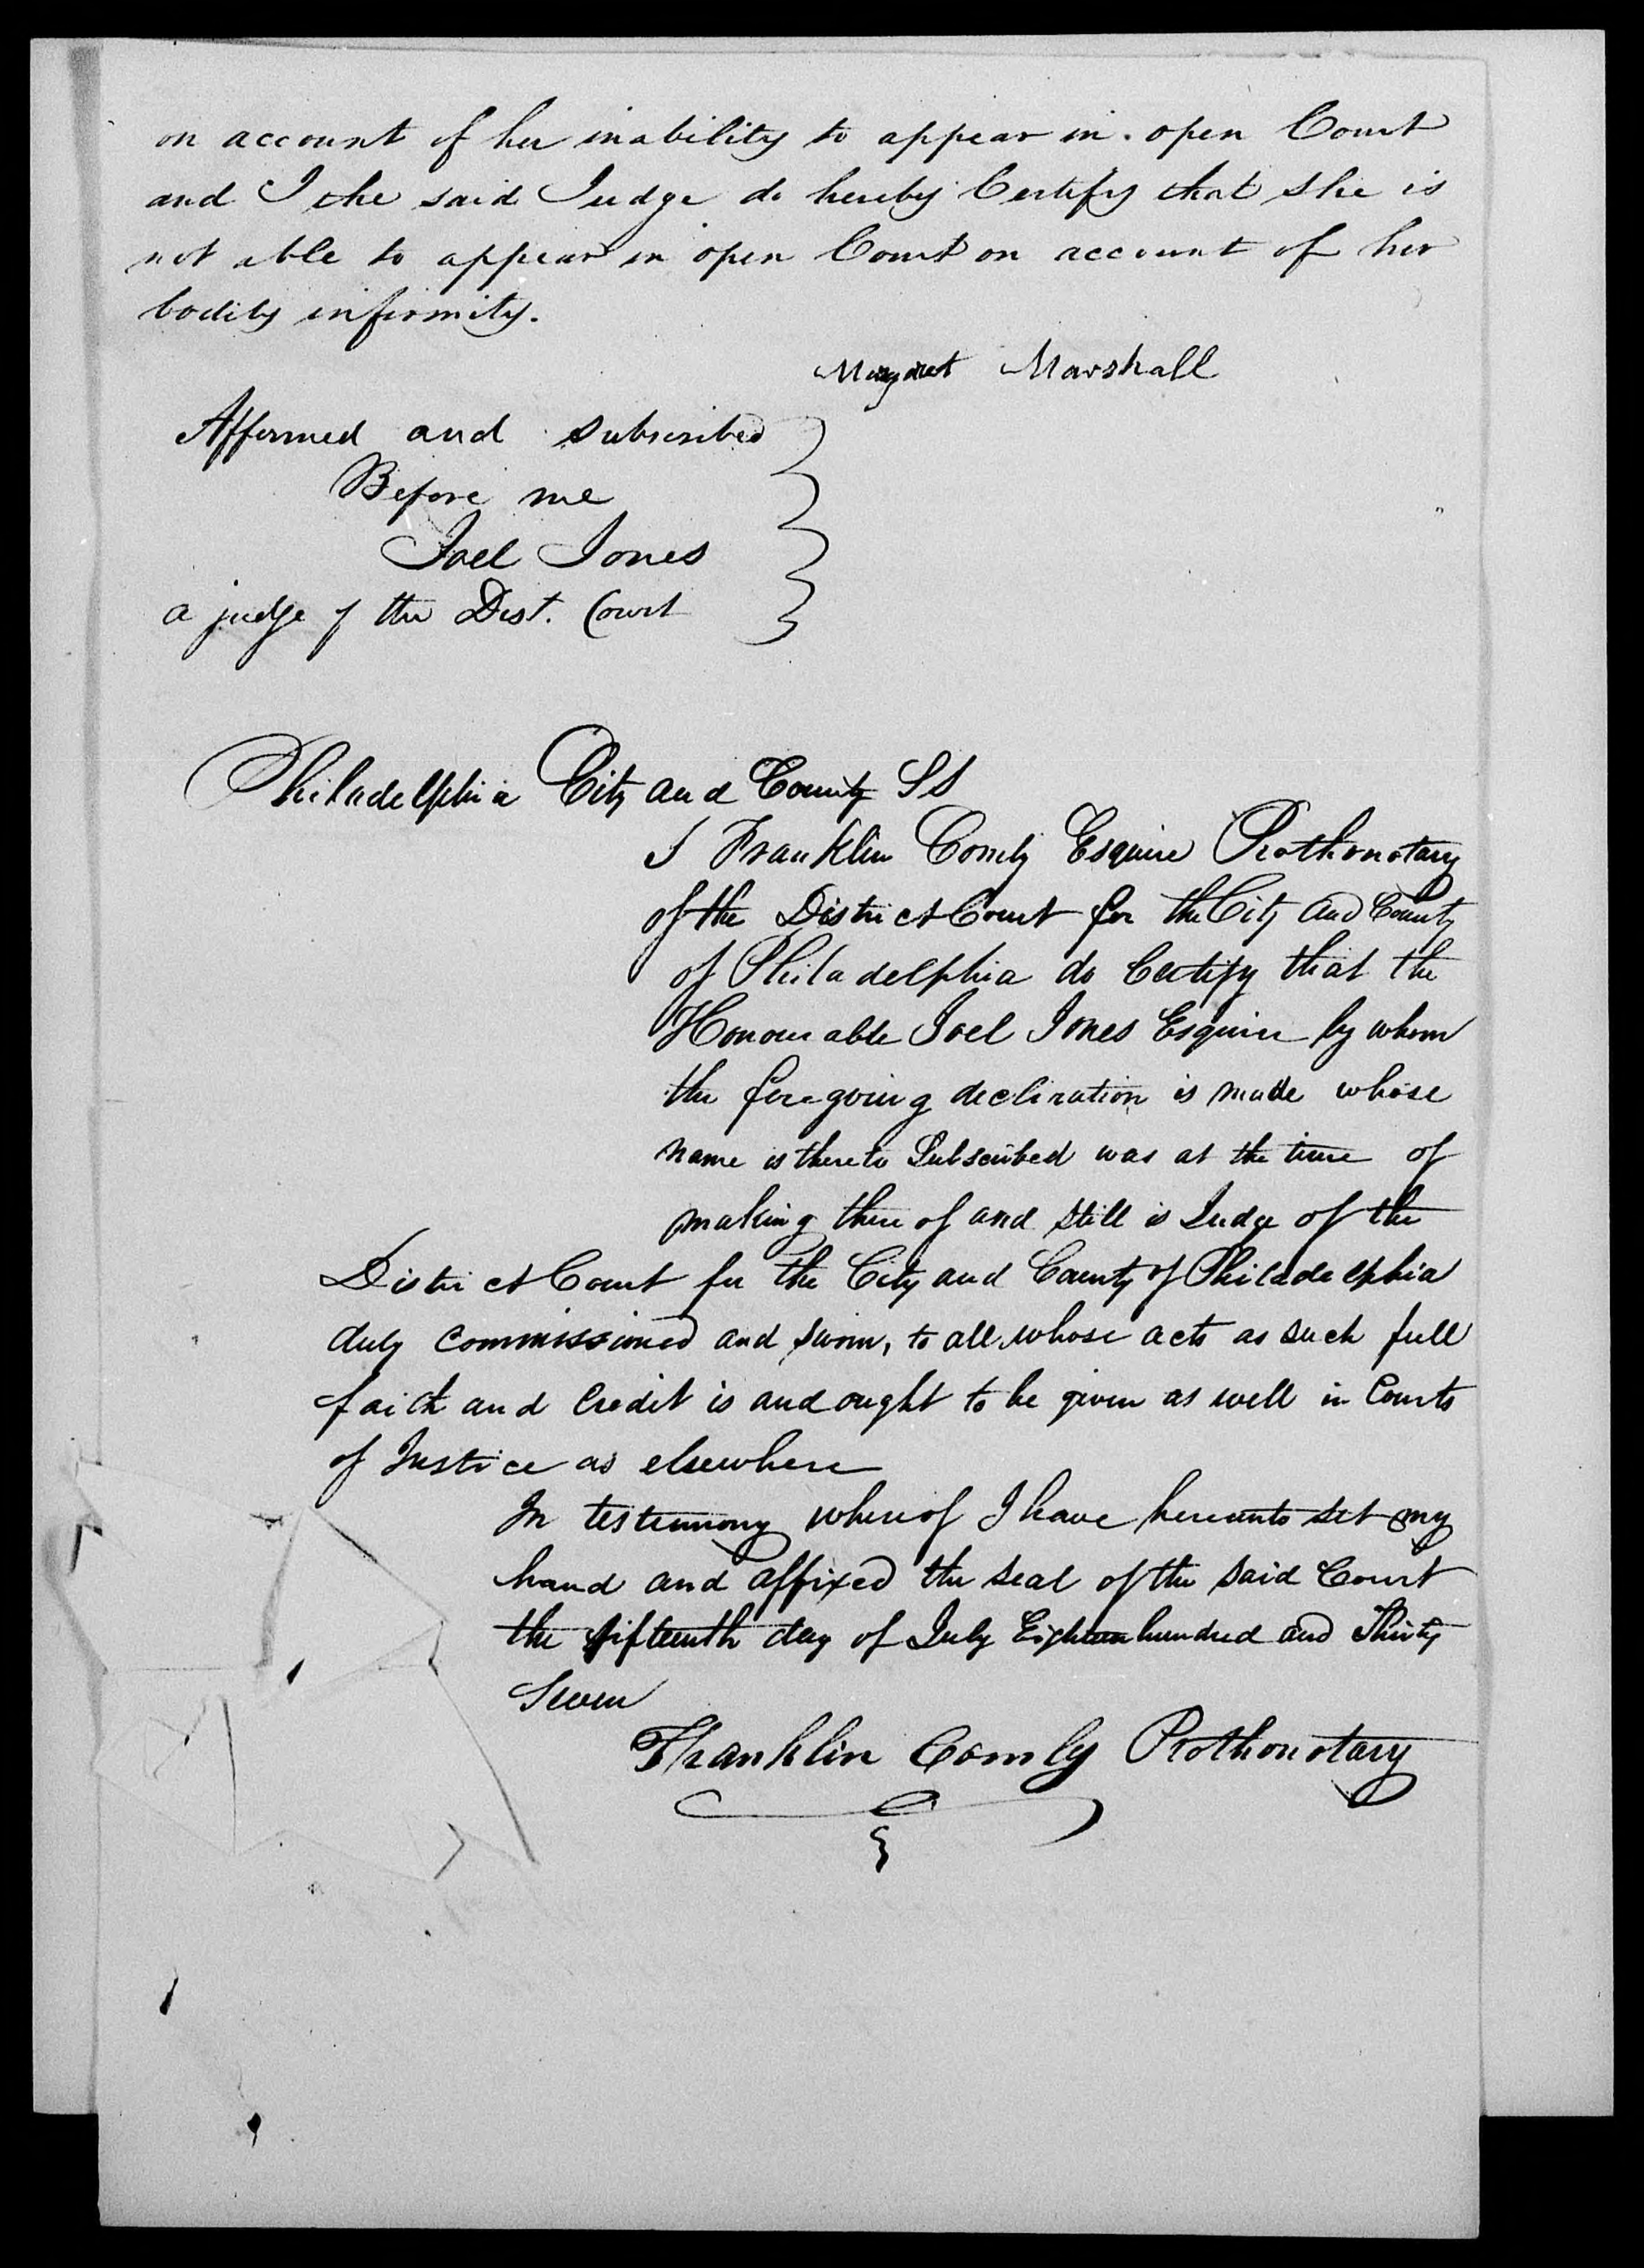on account of her inability to appear in open Court and I the said Judge do hereby Certify that she is not able to appear in open court on account of her bodily infirmity.
Margaret Marshall
Affirmed and subscribed
Before me
Joel Jones
a judge of the Dist. Court
Philadelphia City and County []
I Franklin County Esquire Prothonotary of the District Court for the City and County of Philadelphia do certify that the Honorable Joel Jones Esquire by whom the foregoing declaration is made whose name is there to Subscribed was at the time of making threof and still is Judge of the District Court for the City and County of Philadelphia Duly commissioned and sworn, to all whose acts as such full faith and credit is and ought to be given as well in Courts of Justice as elsewhere
In testimony whereof I have hereunto set my hand and affixed the seal of the said Court the fifteenth day of July Eighteen hundred and Thirty Seven
Franklin Comly Prothonotary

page: 14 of 86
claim: widow's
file: W. 3571, for David Marshall, Pennsylvania